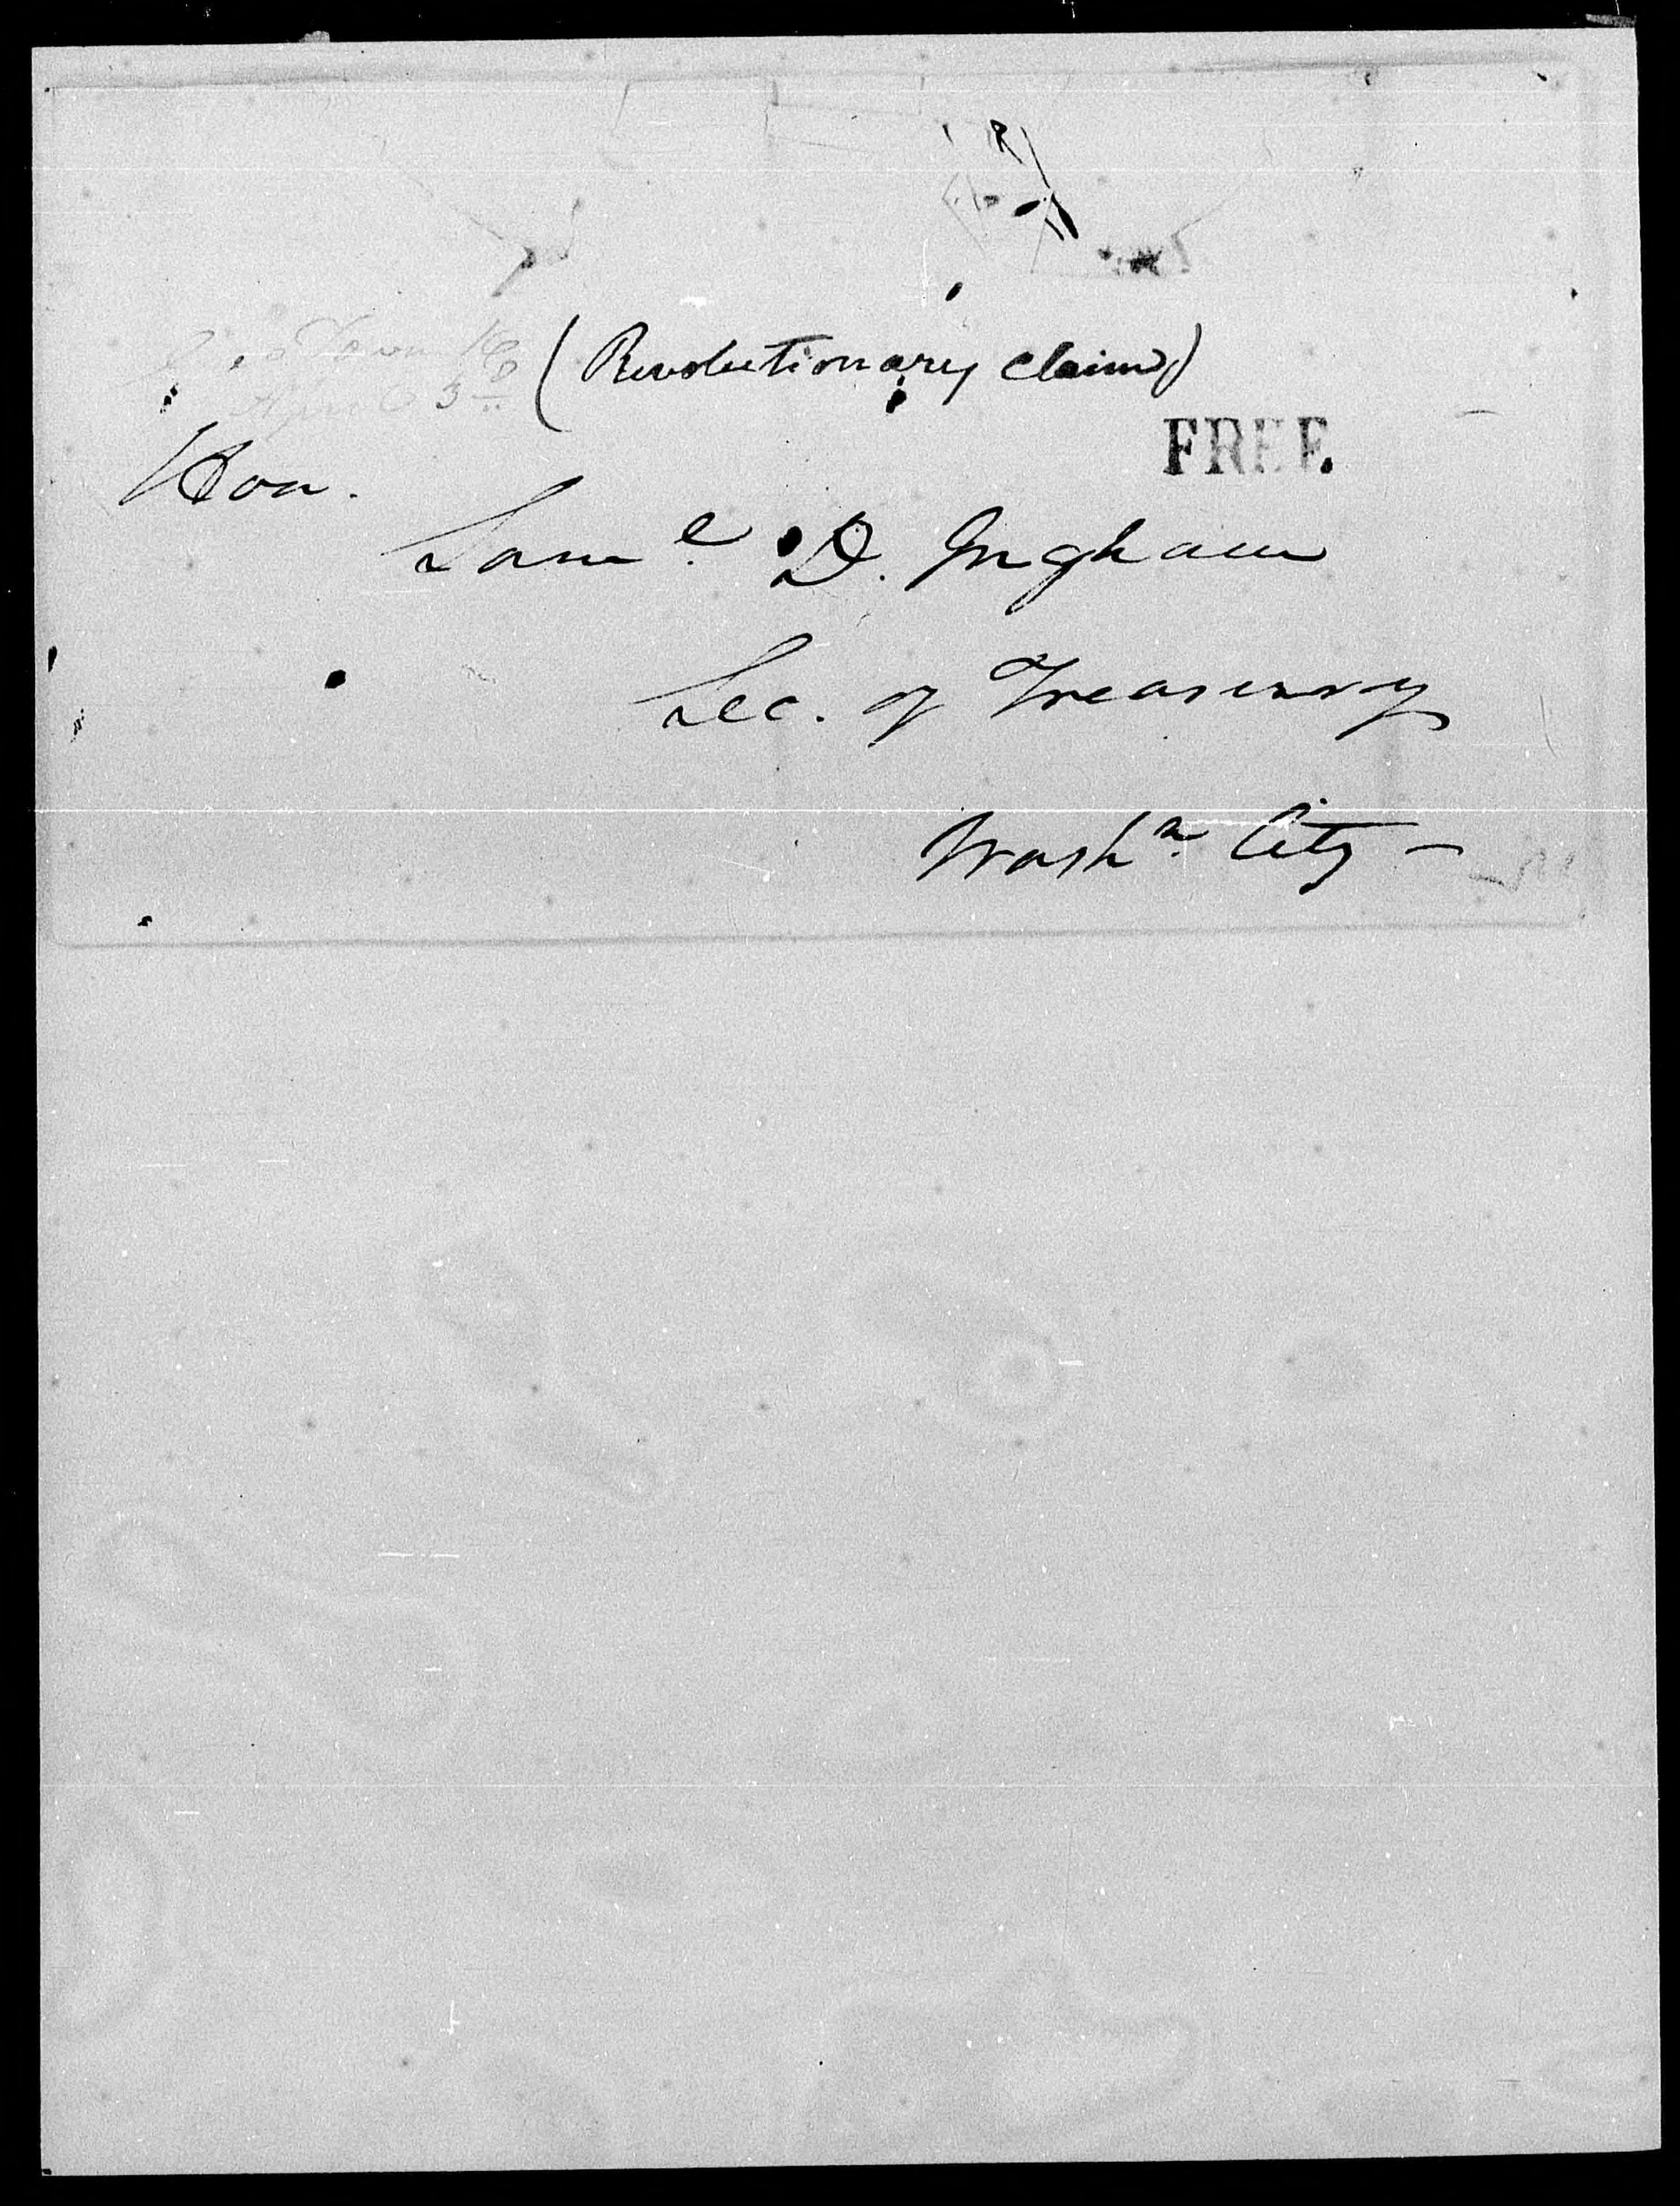(Revolutionary Claim)
Hon. Saml. D. Ingam
Src. of Treasury
Wash. City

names: Saml D Ingham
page: 27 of 47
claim: survivor's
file: S. 30578, for John Mc Dowell, Virginia